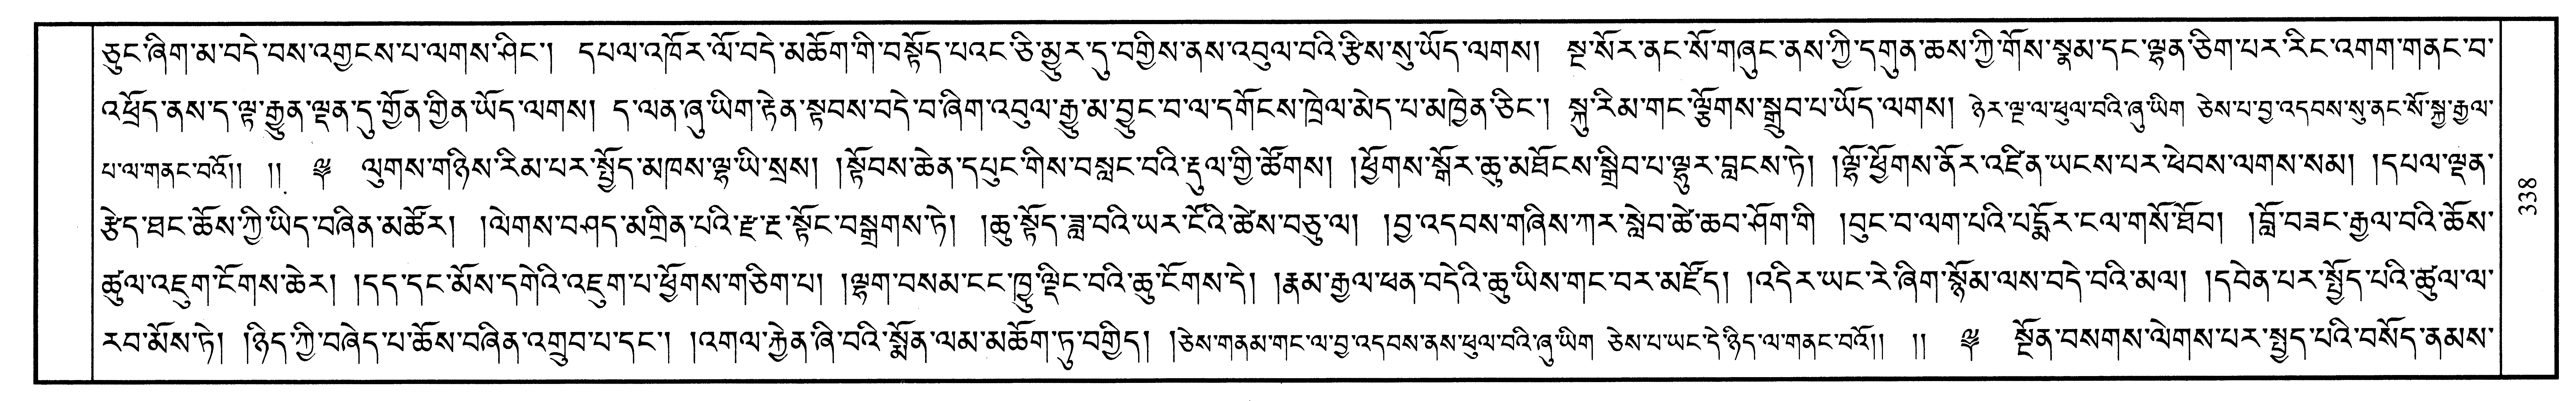ཅུང་ཞིག་མ་བདེ་བས་འགྱངས་པ་ལགས་ཤིང་། དཔལ་འཁོར་ལོ་བདེ་མཆོག་གི་བསྟོད་པའང་ཅི་མྱུར་དུ་བགྱིས་ནས་འབུལ་བའི་རྩིས་སུ་ཡོད་ལགས། སྔ་སོར་ནང་སོ་གཞུང་ནས་ཀྱི་དགུན་ཆས་ཀྱི་གོས་སྣམ་དང་ལྷན་ཅིག་པར་རིང་འགག་གནང་བ་
འཕྲོད་ནས་ད་ལྟ་རྒྱུན་ལྡན་དུ་གྱོན་གྱིན་ཡོད་ལགས། ད་ལན་ཞུ་ཡིག་རྟེན་སྟབས་བདེ་བ་ཞིག་འབུལ་རྒྱུ་མ་བྱུང་བ་ལ་དགོངས་ཁྲེལ་མེད་པ་མཁྱེན་ཅིང་། སྐུ་རིམ་གང་ལྕོགས་སྒྲུབ་པ་ཡོད་ལགས། ཉེར་ལྔ་ལ་ཕུལ་བའི་ཞུ་ཡིག་ཅེས་པ་བྱ་འདབས་སུ་ནང་སོ་སྐྱ་རྒྱལ་
པ་ལ་གནང་བའོ།། །། ༈ ལུགས་གཉིས་རིམ་པར་སྤྱོད་མཁས་ལྷ་ཡི་སྲས། །སྟོབས་ཆེན་དཔུང་གིས་བསླང་བའི་རྡུལ་གྱི་ཚོགས། །ཕྱོགས་སྒོར་ཆུ་མཐོངས་སྒྲིབ་པ་ལྷུར་བླངས་ཏེ། །ལྷོ་ཕྱོགས་ནོར་འཛིན་ཡངས་པར་ཕེབས་ལགས་སམ། །དཔལ་ལྡན་
རྩེད་ཐང་ཆོས་ཀྱི་ཡིད་བཞིན་མཚོར། །ལེགས་བཤད་མགྲིན་པའི་རྫ་རྔ་སྟོང་བསྒྲགས་ཏེ། །ཆུ་སྟོད་ཟླ་བའི་ཡར་ངོའི་ཚེས་བཅུ་ལ། །བྱ་འདབས་གཞིས་ཀར་སླེབ་ཚེ་ཆབ་ཤོག་གི །བུང་བ་ལག་པའི་པདམོར་ངལ་གསོ་ཐོབ། །བློ་བཟང་རྒྱལ་བའི་ཆོས་
ཚུལ་འཇུག་ངོགས་ཆེར། །དད་དང་མོས་དགེའི་འཇུག་པ་ཕྱོགས་གཅིག་པ། །ལྷག་བསམ་ངང་ཁྱུ་ལྡིང་བའི་ཆུ་ངོགས་དེ། །རྣམ་རྒྱལ་ཕན་བདེའི་ཆུ་ཡིས་གང་བར་མཛོད། །འདིར་ཡང་རེ་ཞིག་སྙོམ་ལས་བདེ་བའི་མལ། །དབེན་པར་སྤྱོད་པའི་ཚུལ་ལ་
རབ་མོས་ཏེ། །ཉིད་ཀྱི་བཞེད་པ་ཆོས་བཞིན་འགྲུབ་པ་དང་། །འགལ་རྐྱེན་ཞི་བའི་སྨོན་ལམ་མཆོག་ཏུ་བགྱིད། །ཅེས་གནམ་གང་ལ་བྱ་འདབས་ནས་ཕུལ་བའི་ཞུ་ཡིག་ཅེས་པ་ཡང་དེ་ཉིད་ལ་གནང་བའོ།། །། ༈ སྔོན་བསགས་ལེགས་པར་སྤྱད་པའི་བསོད་ནམས་